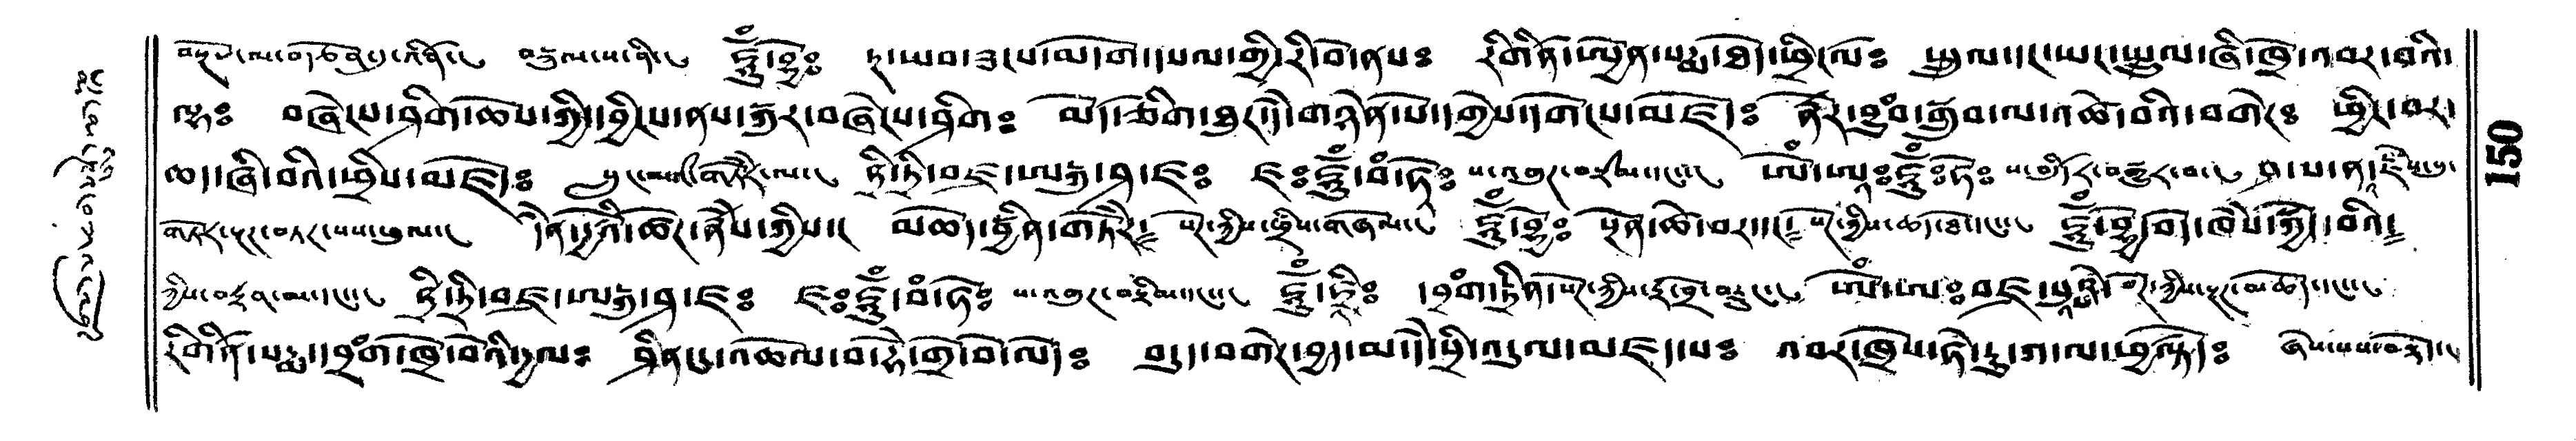བསྔོ་བ་ལ་བརྩོན་དུ་འཛིན། བསྐུལ་པ་ནི། ཧཱུྃ་བྷྱོ༔ རྔ་ཡབ་ཟངས་མདོག་དཔལ་གྱི་རི་བོ་ནས༔ རིག་འཛིན་ཨོ་རྒྱན་པདྨ་ཐོད་ཕྲེང་རྩལ༔ སྤྲུལ་དང་ཡང་སྤྲུལ་ཞི་ཁྲོ་འབར་བའི་
ལྷ༔ བཞེངས་ཤིག་ཆོས་ཀྱི་དབྱིངས་ནས་སྐུར་བཞེངས་ཤིག༔ མཛོད་ཅིག་ཐུགས་དམ་གཉེན་པོ་དགྱེས་དགོངས་མཛོད༔ རྣལ་འབྱོར་བྱང་ཆུབ་སྒྲུབ་ལ་འཚེ་བའི་བགེགས༔ ཕྱི་ནང་བར་
ཆད་ཞི་བའི་ཕྲིན་ལས་མཛོད༔ སྲུང་མའི་གཏོར་མ་ལ། ནྲྀ་ཏྲི་བཛྲ་ཨངྐུ་ཤ་ཛ༔ ཛཿཧཱུྃ་བཾ་ཧོ༔ ས་འགུགས་བསྟིམ་དང་། ཨོཾ་ཨཱཿཧཱུྃཿཧོཿ ས་བདུད་རྩིར་བསྒྱུར། ཤ་ས་ནཱ་རྗེས་སུ་
གཏོར་སྔགས་བཏགས་པས་ཕུལ། དམ་ཅན་རྒྱ་མཚོའི་ཚོགས་རྣམས་ཀྱིས། མཆོད་སྦྱིན་གཏོར་མ་སོགས་ཀྱིས་ཕྲིན་ལས་གཞོལ། ཧཱུྃ་བྷྱོ༔ སྔོན་ཚེ་བར་དང་སོགས་ཀྱིས་ཆད་ཐོ་དང་། ཧཱུྃ་བྷྱོ་བོད་ཁམས་སྐྱོང་བའི་
ཀྱིས་བརྟན་མ་དང་། ནྲྀ་ཏྲི་བཛྲ་ཨངྐུ་ཤ་ཛ༔ ཛ༔ཧཱུྃ་བཾ་ཧོཿ ས་འགུགས་བསྟིམ་དང་། ཧྃའུ་ཧྲཱི༔ དབང་དྲག་རྟ་མགྲིན་སོགས་ཀྱིས་རྟ་བྲོ་བརྡུང་། ཨོཾ་ཨ༔བཛྲ་པུཥྤེ། སོགས་ཀྱིས་སྔགས་མཆོད་དང་། 
རིག་འཛིན་པདྨ་དབང་དྲག་ཁྲོ་བོའི་རྒྱལ༔ ཤིན་དུ་འཆོལ་བ་རྡོ་རྗེ་གྲོ་བོ་ལོད༔ བདུད་བགེགས་བྱད་མ་དམ་སྲི་འདུལ་མཛད་པ༔ འབར་ཁྲོས་ཧེ་རུ་ཀ་ལ་ཕྱག་འཚལ་བསྟོད༔ཅེས་པས་བསྟོད།